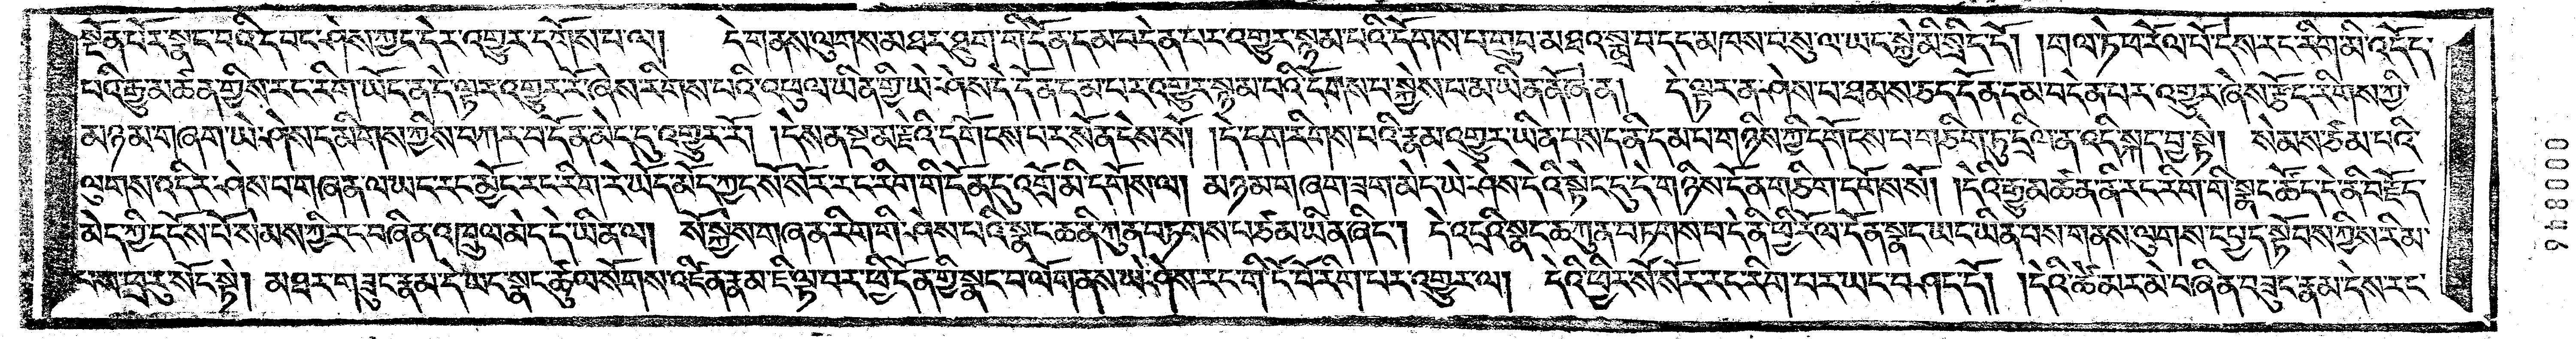སྔོན་པོར་སྣང་བའི་དབང་ཤེས་ཀྱང་དེར་འགྱུར་དགོས་པ་ལ། དེ་གནས་ལུགས་མཐར་ཐུག་གི་དོན་དམ་བདེན་པར་འགྱུར་སྙམ་པའི་དོགས་པ་གྲུབ་མཐའ་སྨྲ་བ་དང་མཁས་པ་སུ་ལ་ཡང་སྐྱེ་མི་སྲིད་དོ། །གལ་ཏེ་ཕ་རོལ་པོ་དེས་རང་རིག་མི་འདོད་
པའི་རྒྱུ་མཚན་གྱིས་རང་རིག་ཡོད་ན་དེ་ལྟར་འགྱུར་རོ་ཞེས་རིགས་པའི་འཕུལ་ཡིན་གྱི་ཡེ་ཤེས་དེ་དོན་དམ་པར་འགྱུར་སྙམ་པའི་དོགས་པ་སྐྱེས་པ་མ་ཡིན་ནོ་ཞེ་ན། དེ་ལྟར་ན་ཤེས་པ་ཐམས་ཅད་དོན་དམ་བདེན་པར་འགྱུར་ཞེས་རྩོད་རིགས་ཀྱི་
མཉམ་གཞག་ཡེ་ཤེས་དམིགས་ཀྱིས་བཀར་བ་དོན་མེད་དུ་འགྱུར་རོ། །དེས་ན་སྔ་མ་རྗེའི་དགོངས་པར་སོན་ངེས་སོ། །དེ་དག་རིགས་པའི་རྣམ་འགྱུར་ཡིན་པས་ད་ནི་དམ་པ་གཉིས་ཀྱི་དགོངས་པ་གཅིག་ཏུ་དྲིལ་ན་འདི་སྐད་བྱ་སྟེ། སེམས་ཙམ་པའི་
ལུགས་འདིར་ཤེས་པ་གཞན་ལ་ཡང་རང་མྱོང་རང་རིག་རེ་ཡོད་མོད་ཀྱང་སོ་སོར་རང་རིག་གི་དོན་དུ་འགྲོ་མི་དགོས་ལ། མཉམ་གཞག་ཟག་མེད་ཡེ་ཤེས་དེའི་སྟེང་དུ་དེ་གཉིས་དོན་གཅིག་དགོས་སོ། །དེའི་རྒྱུ་མཚན་ནི་རང་རིག་གི་སྣང་ཚོད་དེ་ནི་བརྗོད་
མེད་ཀྱི་དངོས་པོ་སེམས་ཀྱི་རང་བཞིན་འཁྲུལ་མེད་དེ་ཡིན་ལ། སོ་སྐྱེས་གཞན་རིག་གི་ཤེས་པའི་སྣང་ཆ་ནི་ཀུན་བཏགས་པ་ཙམ་ཡིན་ཞིང་། དེ་འདྲའི་སྣང་ཆ་ཀུན་བཏགས་པ་དེ་ནི་ཕྱི་རོལ་དོན་སྣང་ཡང་ཡིན་པས་གནས་ལུགས་དཔྱད་སྟོབས་ཀྱིས་རིམ་
པས་ཕྲ་རུ་སོང་སྟེ། མཐར་གཟུང་རྣམ་དེ་ཡང་སྣང་ཚུལ་སོགས་འཛིན་རྣམ་ཇི་ལྟ་བར་ཕྱི་དོན་གྱི་སྣང་བ་ལོག་ནས་ཡེ་ཤེས་རང་གི་ངོ་བོ་རིག་པར་འགྱུར་ལ། དེའི་ཕྱིར་སོ་སོར་རང་རིག་པར་ཡང་བཤད་དོ། །དེའི་ཚེ་མར་མེ་བཞིན་བཟུང་རྣམ་དེས་རང་